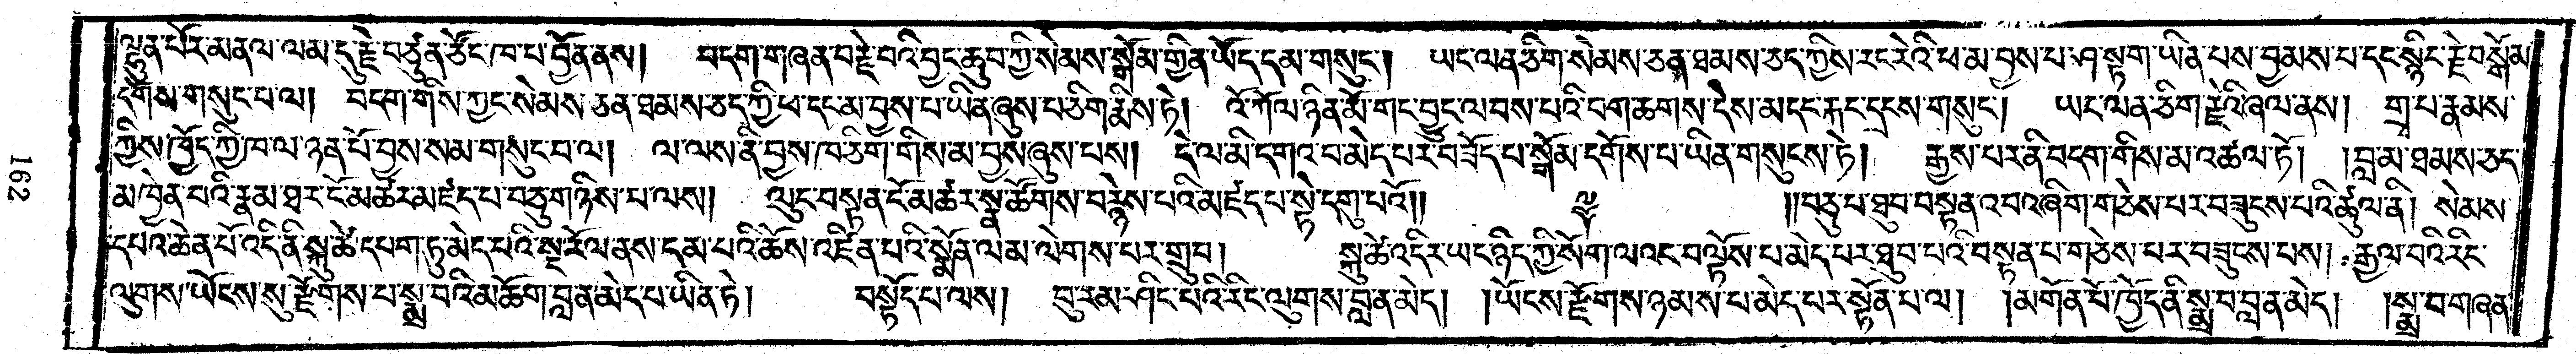ལྷུན་པོར་མནལ་ལམ་དུ་རྗེ་བཙུན་ཙོང་ཁ་པ་བྱོན་ནས། བདག་གཞན་བརྗེ་བའི་བྱང་ཆུབ་ཀྱི་སེམས་སྒོམ་གྱིན་ཡོད་དམ་གསུང་། ཡང་ལན་ཅིག་སེམས་ཅན་ཐམས་ཅད་ཀྱིས་རང་རེའི་ཕ་མ་བྱས་པ་ཤ་སྟག་ཡིན་པས་བྱམས་པ་དང་སྙིང་རྗེ་བསྒོམ་
དགོས་གསུང་པ་ལ། བདག་གིས་ཀྱང་སེམས་ཅན་ཐམས་ཅད་ཀྱི་ཕ་དང་མ་བྱས་པ་ཡིན་ཞུས་པ་ཅིག་རྨིས་ཏེ། འོ་ཀོལ་ཉིན་མོ་གང་བྱུང་ལ་བས་པའི་བག་ཆགས་དེས་མདང་རྐང་དྲངས་གསུང་། ཡང་ལན་ཅིག་རྗེའི་ཞལ་ནས། གྲྭ་པ་རྣམས་
ཀྱིས་ཁྱོད་ཀྱི་ཁ་ལ་ཉན་པོ་བྱས་སམ་གསུང་བ་ལ། ལ་ལས་ནི་བྱས་ཁ་ཅིག་གིས་མ་བྱས་ཞུས་པས། དེ་ལ་མི་དགའ་བ་མེད་པར་བཟོད་པ་སྒོམ་དགོས་པ་ཡིན་གསུངས་ཏེ། རྒྱས་པར་ནི་བདག་གིས་མ་འཚལ་ཏོ། །བླ་མ་ཐམས་ཅད་
མཁྱེན་པའི་རྣམ་ཐར་ངོ་མཚར་མཛད་པ་བཅུ་གཉིས་པ་ལས། ལུང་བསྟན་ངོ་མཚར་སྣ་ཚོགས་བརྙེས་པའི་མཛད་པ་སྟེ་དགུ་པའོ།། ༈ །།བཅུ་པ་ཐུབ་བསྟན་འབའ་ཞིག་གཅེས་པར་བཟུངས་པའི་ཚུལ་ནི། སེམས་
དཔའ་ཆེན་པོ་འདི་ནི་སྐུ་ཚེ་དཔག་ཏུ་མེད་པའི་སྔ་རོལ་ནས་དམ་པའི་ཆོས་འཛིན་པའི་སྨོན་ལམ་ལེགས་པར་གྲུབ། སྐུ་ཚེ་འདིར་ཡང་ཉིད་ཀྱི་སོག་ལའང་བལྟོས་པ་མེད་པར་ཐུབ་པའི་བསྟན་པ་གཅེས་པར་བཟུངས་པས། རྒྱལ་བའི་རིང་
ལུགས་ཡོངས་སུ་རྫོགས་པ་སྨྲ་བའི་མཆོག་བླ་ན་མེད་པ་ཡིན་ཏེ། བསྟོད་པ་ལས། བུ་རམ་ཤིང་པའི་རིང་ལུགས་བླ་ན་མེད། །ཡོངས་རྫོགས་ཉམས་པ་མེད་པར་སྟོན་པ་ལ། །མགོན་པོ་ཁྱོད་ནི་སྨྲ་བ་བླ་ན་མེད། །སྨྲ་བ་གཞན་